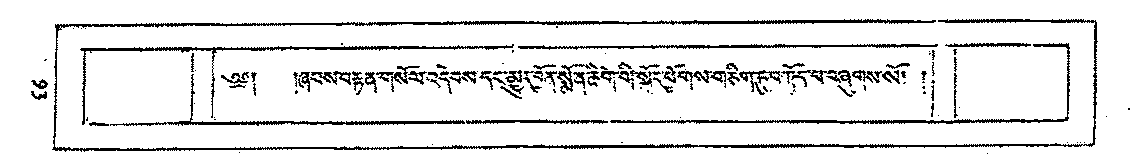༄༅། །ཞབས་བརྟན་གསོལ་འདེབས་དང་མྱུར་བྱོན་སྨོན་ཚིག་གི་སྐོར་ཕྱོགས་གཅིག་ཏུ་བཀོད་པ་བཞུགས་སོ། །